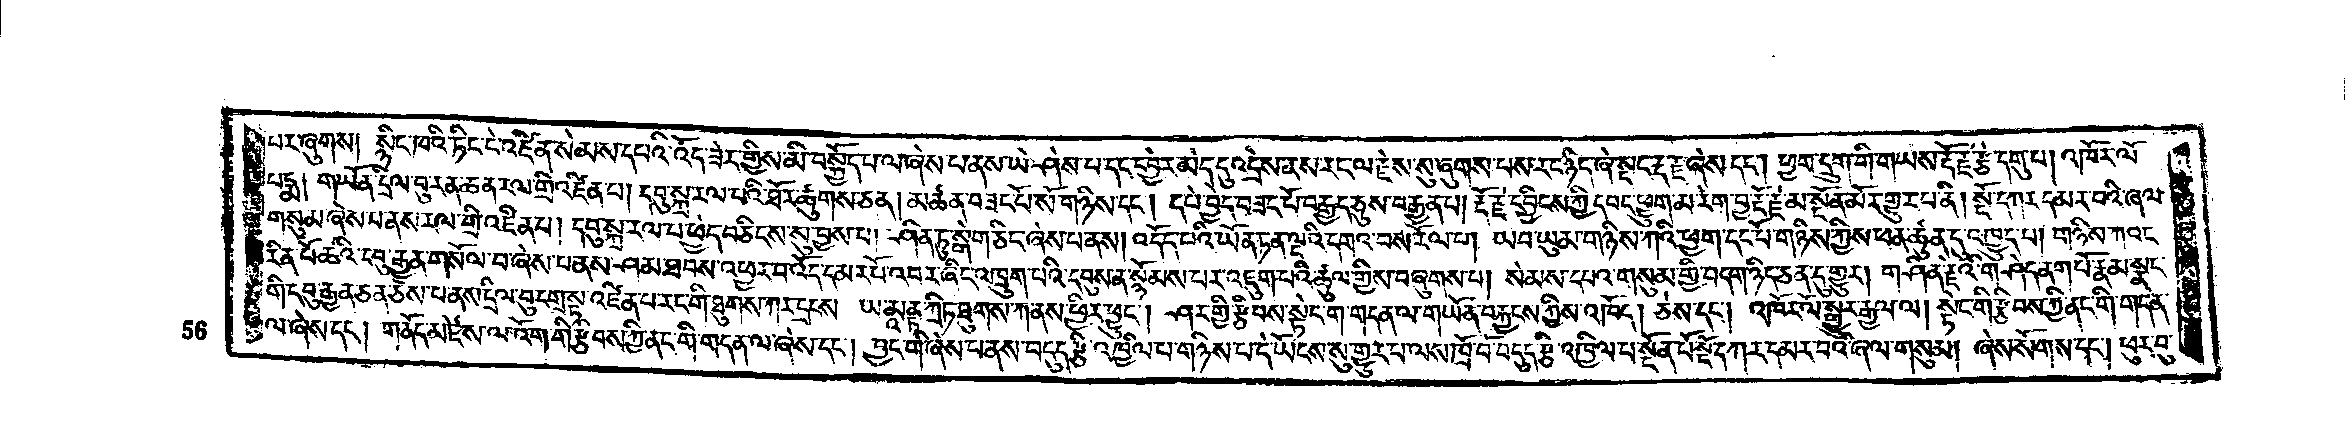པར་ཞུགས། སྙིང་ཁའི་ཏིང་ངེ་འཛིན་སེམས་དཔའི་འོད་ཟེར་གྱིས་མི་བསྐྱོད་པ་ལ་ཞེས་པ་ནས་ཡེ་ཤེས་པ་དང་དབྱེར་མེད་དུ་འདྲེས་ནས་རང་ལ་རྗེས་སུ་ཞུགས་པས་རང་ཉིད་ཞེ་སྡང་རྡོ་རྗེ་ཞེས་དང་། ཕྱག་དྲུག་གི་གཡས་རྡོ་རྗེ་རྩེ་དགུ་པ། འཁོར་ལོ་
པདམ། གཡོན་དྲིལ་བུ་རིན་ཆེན་རལ་གྲི་འཛིན་པ། དབུ་སྐྲ་རལ་པའི་ཐོར་ཚུགས་ཅན། མཚན་བཟང་པོ་སོ་གཉིས་དང་། དཔེ་བྱད་བཟང་པོ་བརྒྱད་ཅུས་བརྒྱན་པ། རྡོ་རྗེ་དབྱིངས་ཀྱི་དབང་ཕྱུག་མ་རེག་བྱ་རྡོ་རྗེ་མ་སྔོན་མོར་གྱུར་པ་ནི། སྔོ་དཀར་དམར་བའི་ཞལ་
གསུམ་ཞེས་པ་ནས་རལ་གྲི་འཛིན་པ། དབུ་སྐྲ་རལ་པ་ཕྱེད་བཅིངས་སུ་བྱས་པ། ཤིན་ཏུ་སྒེག་ཅིང་ཞེས་པ་ནས། འདོད་པའི་ཡོན་ཏན་ལྔའི་དགའ་བས་རོལ་པ། ཡབ་ཡུམ་གཉིས་ཀའི་ཕྱག་དང་པོ་གཉིས་ཀྱིས་ཕན་ཚུན་དུ་འཁྱུད་པ། གཉིས་ཀའང་
རིན་པོ་ཆེའི་དབུ་རྒྱན་གསོལ་བ་ཞེས་པ་ནས་ཤམ་ཐབས་འཕྱར་བ་འོད་དམར་པོ་འབར་ཞིང་འཁྲུག་པའི་དབུས་ན་སྙོམས་པར་འཇུག་པའི་ཚུལ་གྱིས་བཞུགས་པ། སེམས་དཔའ་གསུམ་གྱི་བདག་ཉིད་ཅན་དུ་གྱུར། གཤིན་རྗེའི་གཤེད་ནག་པོ་རྣམ་སྣང་
གི་དབུ་རྒྱན་ཅན་ཅེས་པ་ནས་དྲིལ་བུ་དགྲ་སྟ་འཛིན་པ་རང་གི་ཐུགས་ཀར་དྲངས། ཡ་མཱནྟ་ཀྲིཏ་ཐུགས་ཀ་ནས་ཕྱིར་ཕྱུང་། ཤར་གྱི་རྩིབས་སྟེང་གི་གདན་ལ་གཡོན་བརྐྱངས་ཀྱིས་འཁོད། ཅེས་དང་། འཁོར་ལོ་སྒྱུར་རྒྱལ་ལ། སྟེང་གི་རྩིབས་ཀྱི་ནང་གི་གདན་
ལ་ཞེས་དང་། གནོད་མཛེས་ལ་འོག་གི་རྩིབས་ཀྱི་ནང་གི་གདན་ལ་ཞེས་དང་། བྱང་གི་ཞེས་པ་ནས་བདུད་རྩི་འཁྱིལ་པ་གཉིས་པ་དེ་ཡོངས་སུ་གྱུར་པ་ལས་ཁྲོ་བོ་བདུད་རྩི་འཁྱིལ་པ་སྔོན་པོ་སྔོ་དཀར་དམར་བའི་ཞལ་གསུམ། ཞེས་སོགས་དང་། ཕུར་བུ་